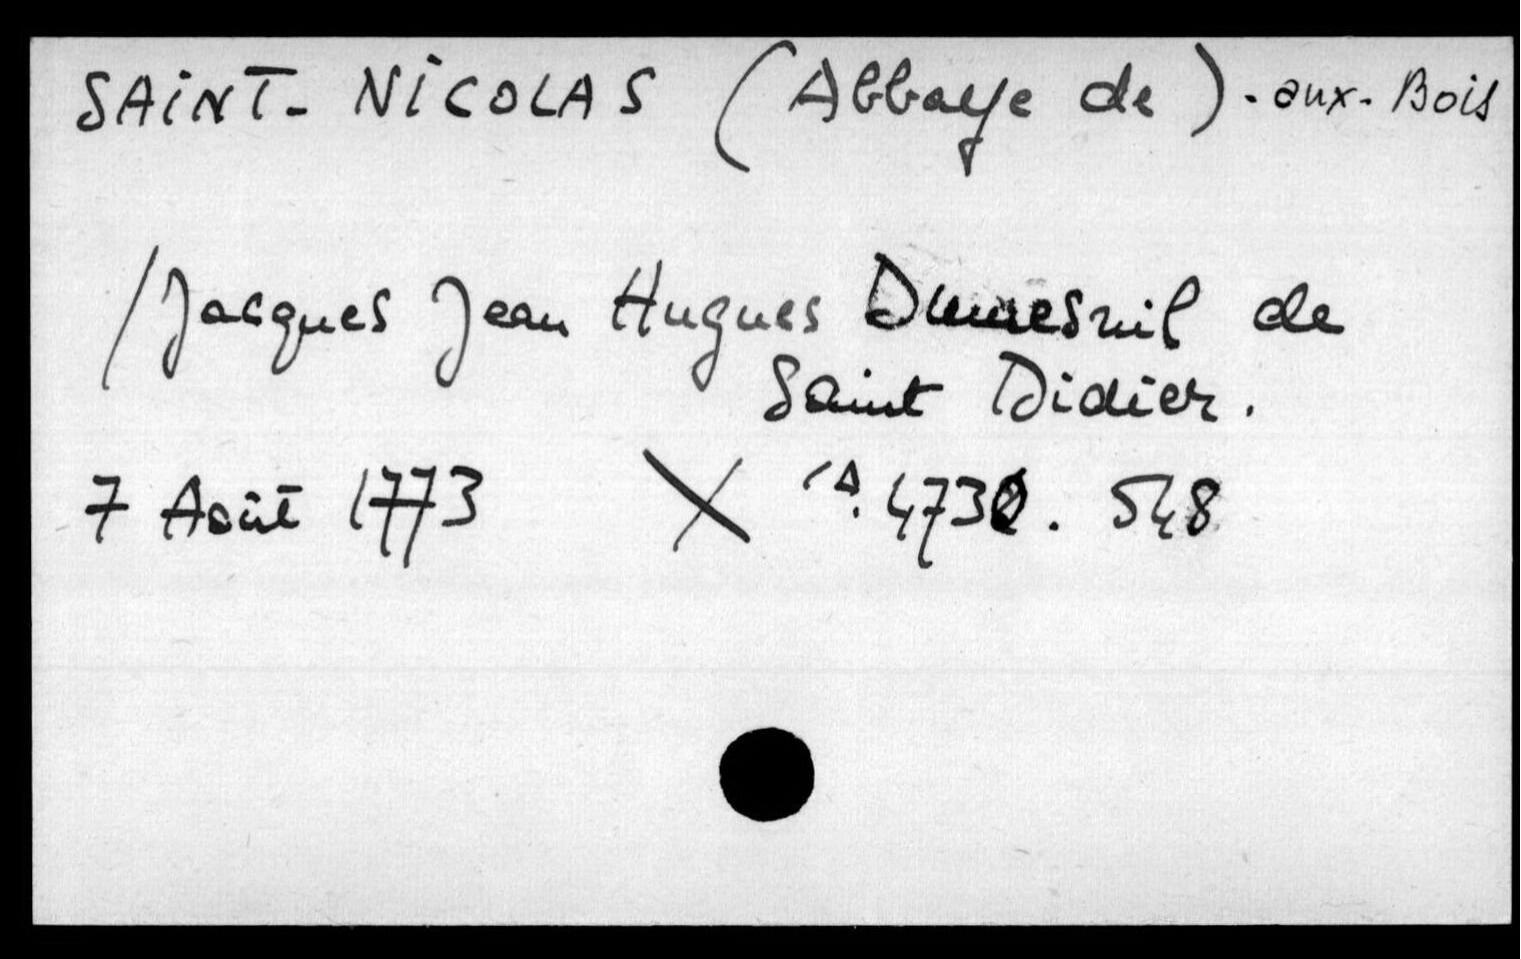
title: SAINT-NICOLAS (Abbaye de) - aux-Bois
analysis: Contre Jacques Jean Hugues Dumesnil de Saint-Didier
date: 7 août 1773
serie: X1A
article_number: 4730
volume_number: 548
